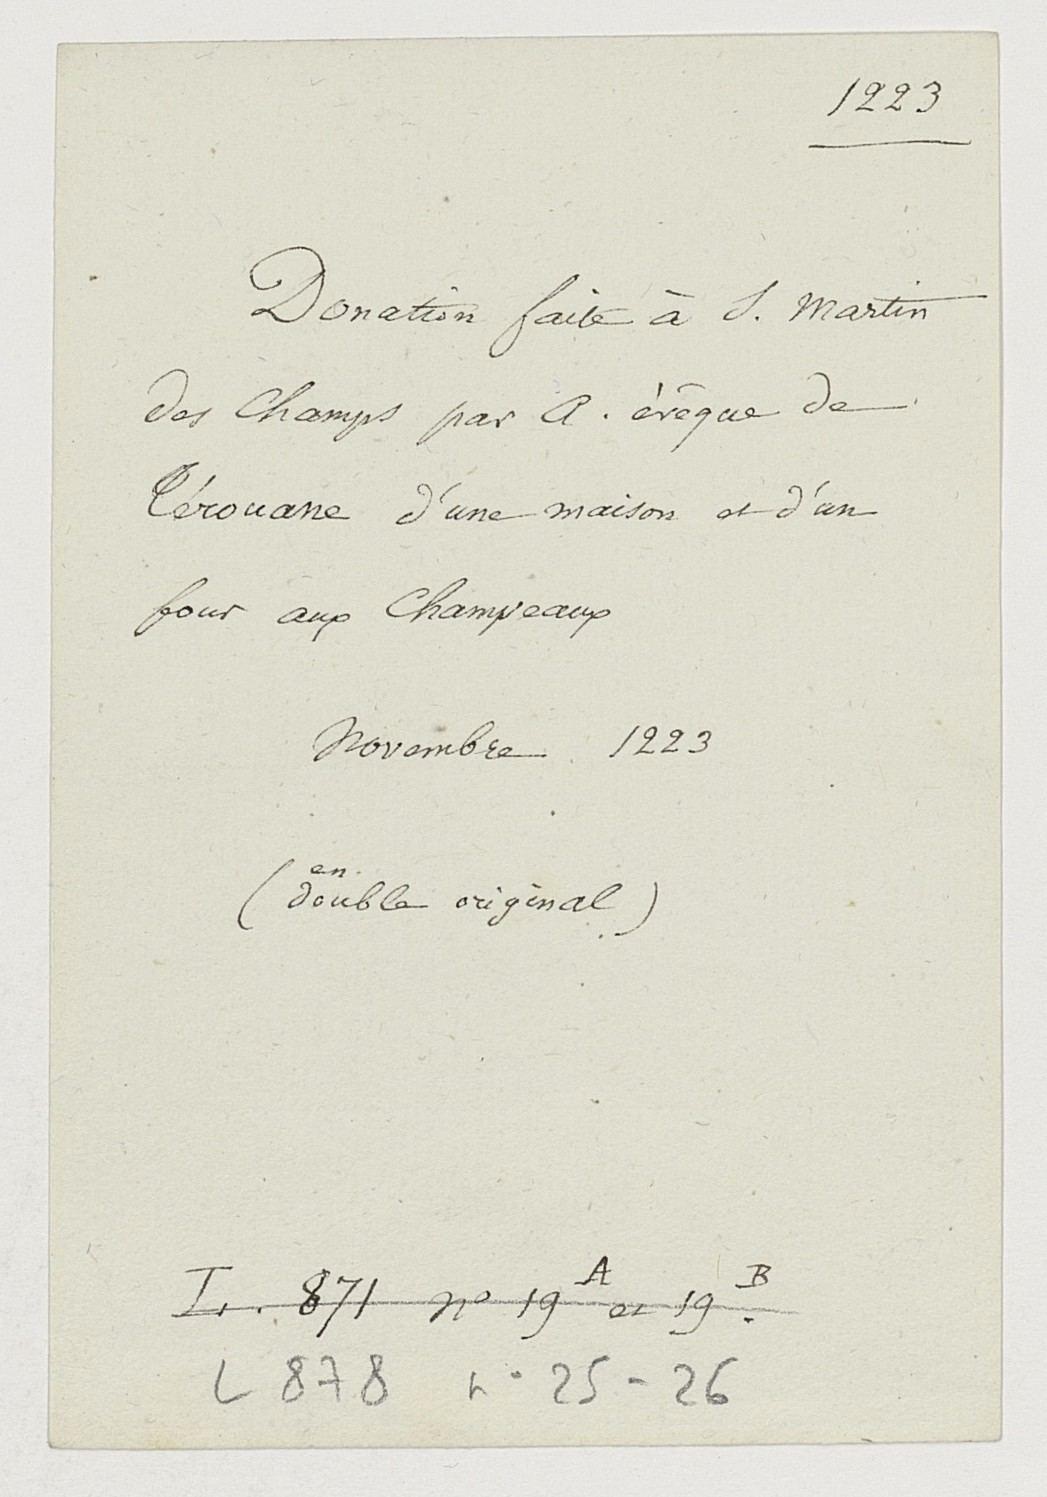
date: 1223
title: Donation faite à Saint-Martin des Champs par A. évêque de Térouanne d'une maison et d'un four aux Champeaux
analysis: novembre 1223
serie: L
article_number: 878
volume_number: n° 25-26
